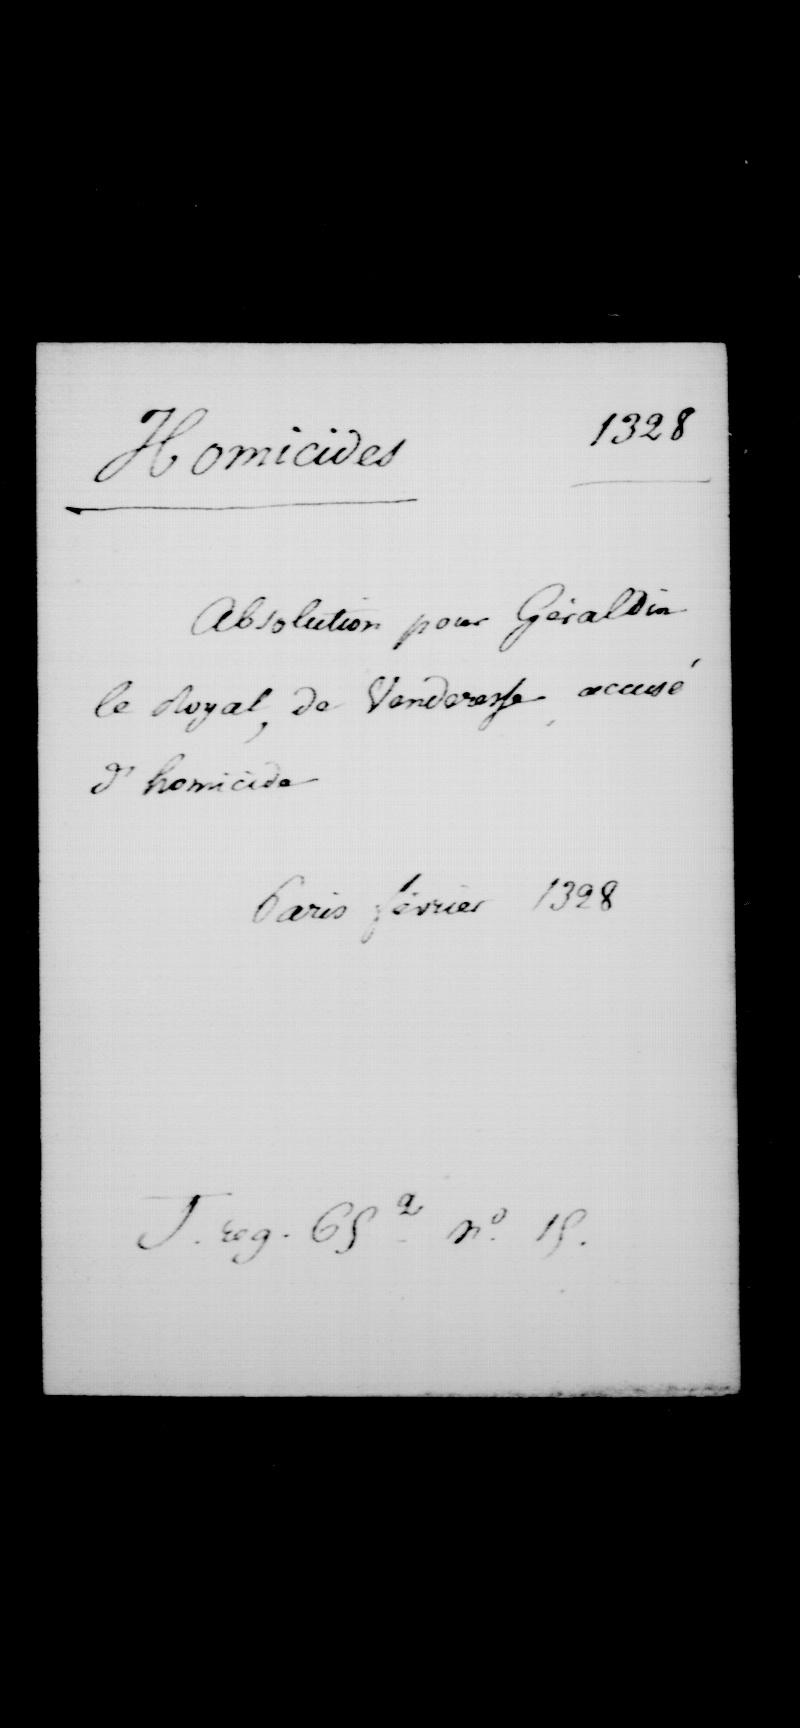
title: Homicides
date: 1328
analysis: Absolution pour Geraldin le Royal, de Venderesse, accusé d’homicide Paris, février 1328
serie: J
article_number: reg. 65/2
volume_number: n° 15
